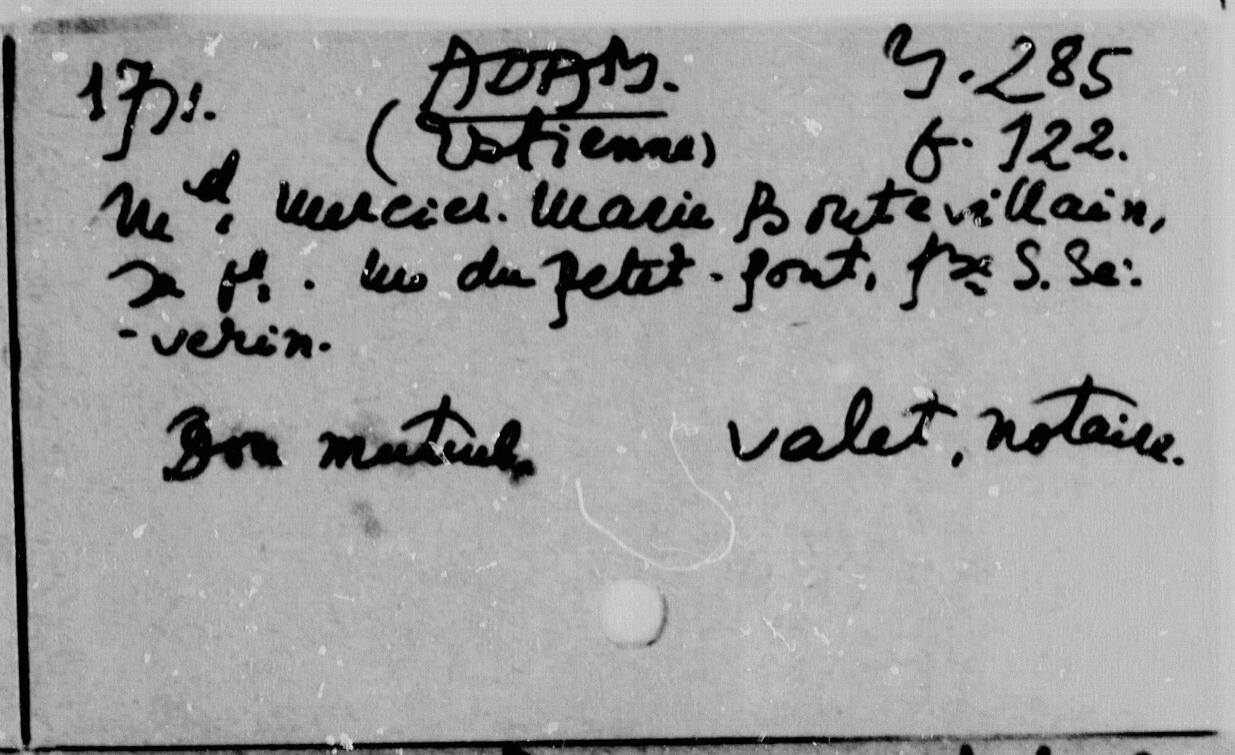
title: ADAM (Estienne)
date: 1711
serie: Y
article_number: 285
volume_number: folio 122
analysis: Marchand mercier Marie Boutevillain, sa femme, rue du Petit-Pont, paroisse Saint-Séverin Don mutuel Valet, notaire
